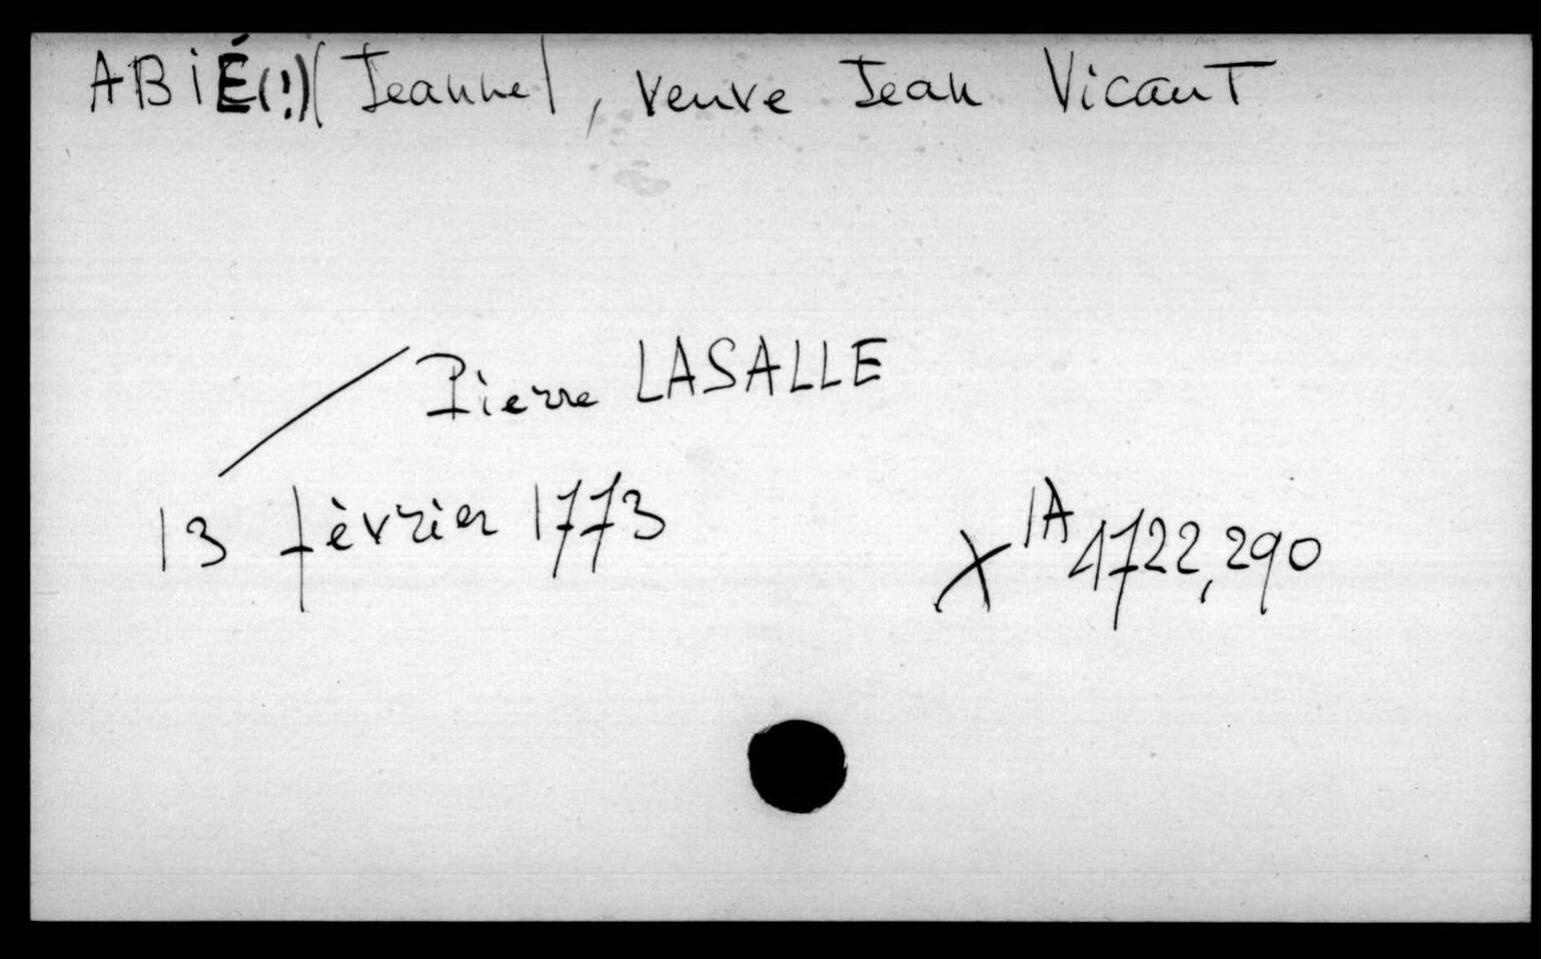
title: ABIÉ (?) (Jeanne), veuve Jean Vicaut
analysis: Contre Pierre LASALLE
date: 13 février 1773
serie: X1A
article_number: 4722
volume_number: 290
